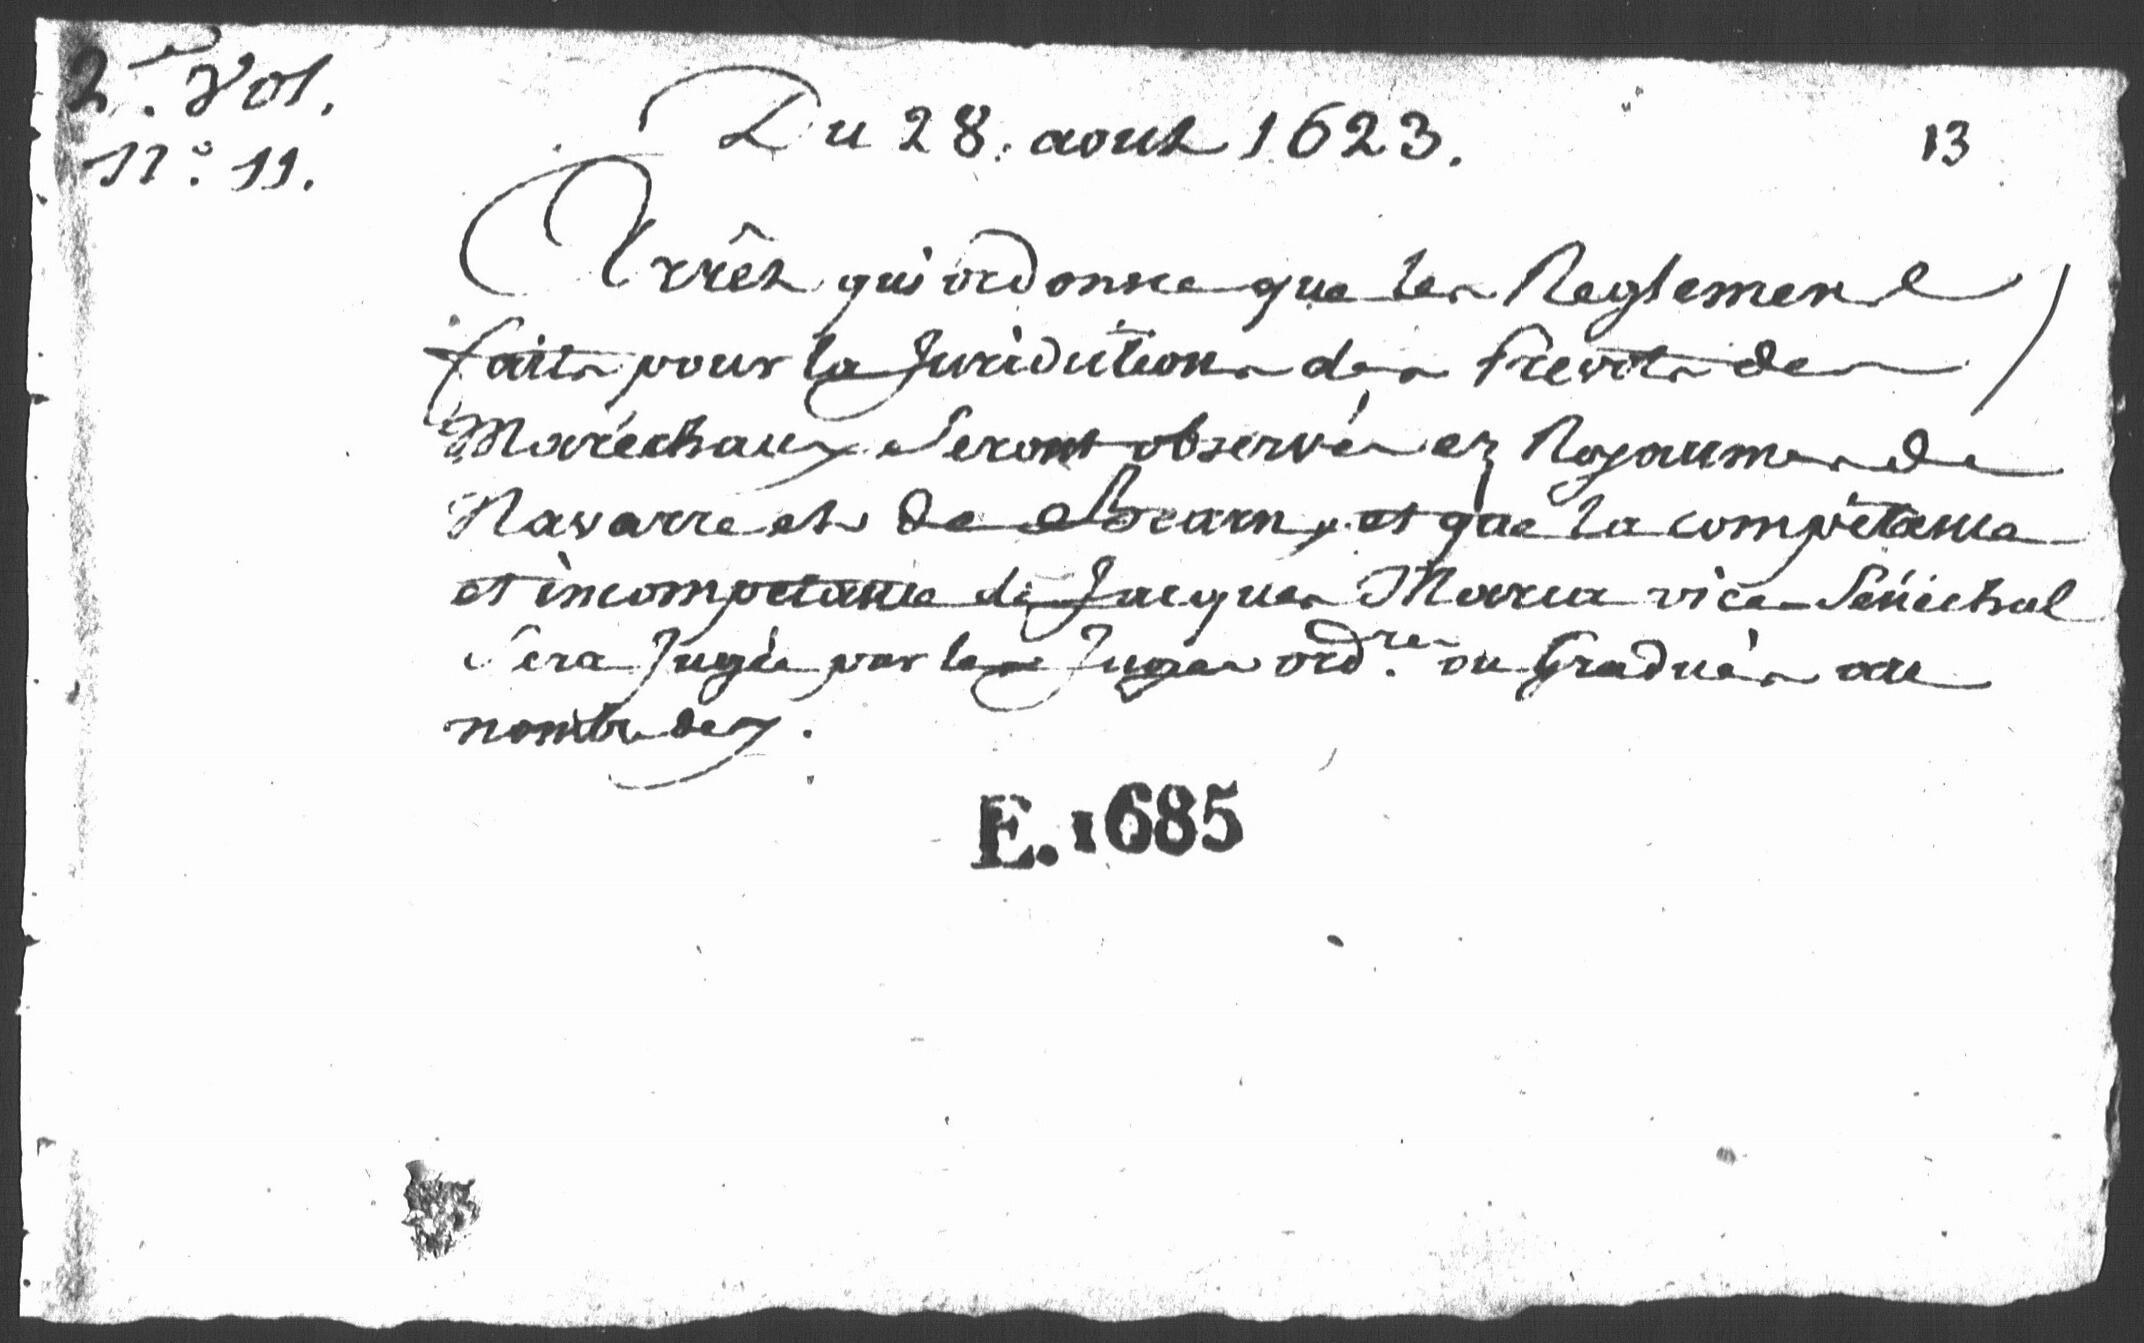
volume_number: n°11
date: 28 août 1623
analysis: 13
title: Arrêt qui ordonne que les reglemens faits pour la juridiction des Prévots des Maréchaux seront observés es royaumes de Navarre et de Bearn , et que la compétance et incompétance de Jacques Marca vice -sénéchal sera jugée par les juges ord.res ou gradués au nombre de 7.
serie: E
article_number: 1685
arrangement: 2e Vol.
